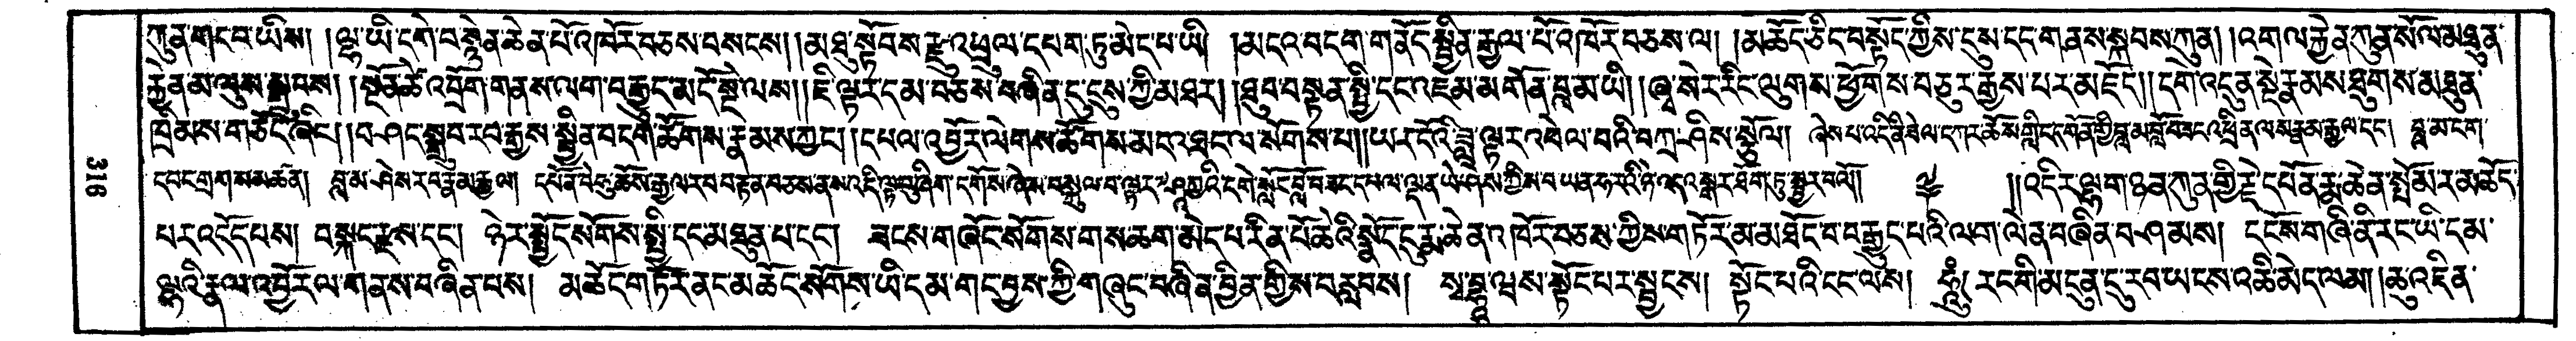ཀུན་གང་བ་ཡིས། །ལྷ་ཡི་དགེ་བསྙེན་ཆེན་པོ་འཁོར་བཅས་བསངས། །མཐུ་སྟོབས་རྫུ་འཕྲུལ་དཔག་ཏུ་མེད་པ་ཡི། །མངའ་བདག་གནོད་སྦྱིན་རྒྱལ་པོ་འཁོར་བཅས་ལ། །མཆོད་ཅིང་བསྟོད་ཀྱིས་དུས་དང་གནས་སྐབས་ཀུན། །འགལ་རྐྱེན་ཀུན་སོལ་མཐུན་
རྐྱེན་མ་ལུས་སྒྲུབས། །སྔོན་ཚེ་འབྲོག་གནས་ལག་བརྒྱུད་མདོ་སྡེ་ལས། །ཇི་ལྟར་དམ་བཅས་བཞིན་དུ་དུས་ཀྱི་མཐར། །ཐུབ་བསྟན་སྤྱི་དང་འཇམ་མགོན་བླ་མ་ཡི། །ཞྭ་སེར་རིང་ལུགས་ཕྱོགས་བཅུར་རྒྱས་བར་མཛོད། །དགེ་འདུན་སྡེ་རྣམས་ཐུགས་མཐུན་
ཁྲིམས་གཙང་ཞིང་། །བཤད་སྒྲུབ་རབ་རྒྱས་སྦྱིན་བདག་ཚོགས་རྣམས་ཀྱང་། །དཔལ་འབྱོར་ལེགས་ཚོགས་མངའ་ཐང་ལ་སོགས་བ། །ཡར་ངོའི་ཟླ་ལྟར་འཕེལ་བའི་བཀྲ་ཤིས་སྩོལ། ཞེས་བ་འདི་ནི་ཟེལ་དཀར་ཆོས་གླིང་དགོན་གྱི་བླ་མ་བློ་བཟང་འཕྲིན་ལས་རྣམ་རྒྱལ་དང་། བླ་མ་ངག་
དབང་གྲགས་མཚན། བླ་མ་ཤེས་རབ་རྣམ་རྒྱལ། དབོན་བེ་ཧུ་ཆོས་རྒྱལ་རབ་བརྟན་བཅས་ནས་འདི་ལྟ་བུ་ཞིག་དགོས་ཞེས་བསྐུལ་བ་ལྟར་ཤའྐྱའི་དགེ་སློང་བློ་བཟང་དཔལ་ལྡན་ཡེ་ཤེས་ཀྱིས་བ་ཡན་ཧ་རའི་ཉེ་འདབ་སྒར་ཐོག་ཏུ་སྦྱར་བའོ།། ༈ །།འདིར་ལྷ་གཉན་ཀུན་གྱི་རྗེ་དཔོན་རྨ་ཆེན་སྦོ་མར་མཆོད་
པར་འདོད་པས། བསྐང་རྫས་དང་། ཉེར་སྤྱོད་སོགས་སྤྱི་དང་མཐུན་བ་དང་། ཟངས་གཞོང་སོགས་གས་ཆག་མེད་པ་རིན་པོ་ཆེའི་སྣོད་དུ་རྨ་ཆེན་འཁོར་བཅས་ཀྱི་གཏོར་མ་མཐོང་བ་བརྒྱུད་པའི་ལག་ལེན་བཞིན་བཤམས། དངོས་གཞི་ནི་རང་ཡི་དམ་
ལྷའི་རྣལ་འབྱོར་ལ་གནས་བཞིན་པས། མཆོད་གཏོར་ནང་མཆོད་སོགས་ཡི་དམ་གང་བྱས་ཀྱི་གཞུང་བཞིན་བྱིན་གྱིས་བརླབས། སྭ་བྷཱ་ཝས་སྟོང་པར་སྦྱངས། སྟོང་པའི་ངང་ལས། ཧཱུཾ༑ རང་གི་མདུན་དུ་རབ་ཡངས་འཆི་མེད་ལམ། །ཆུ་འཛིན་